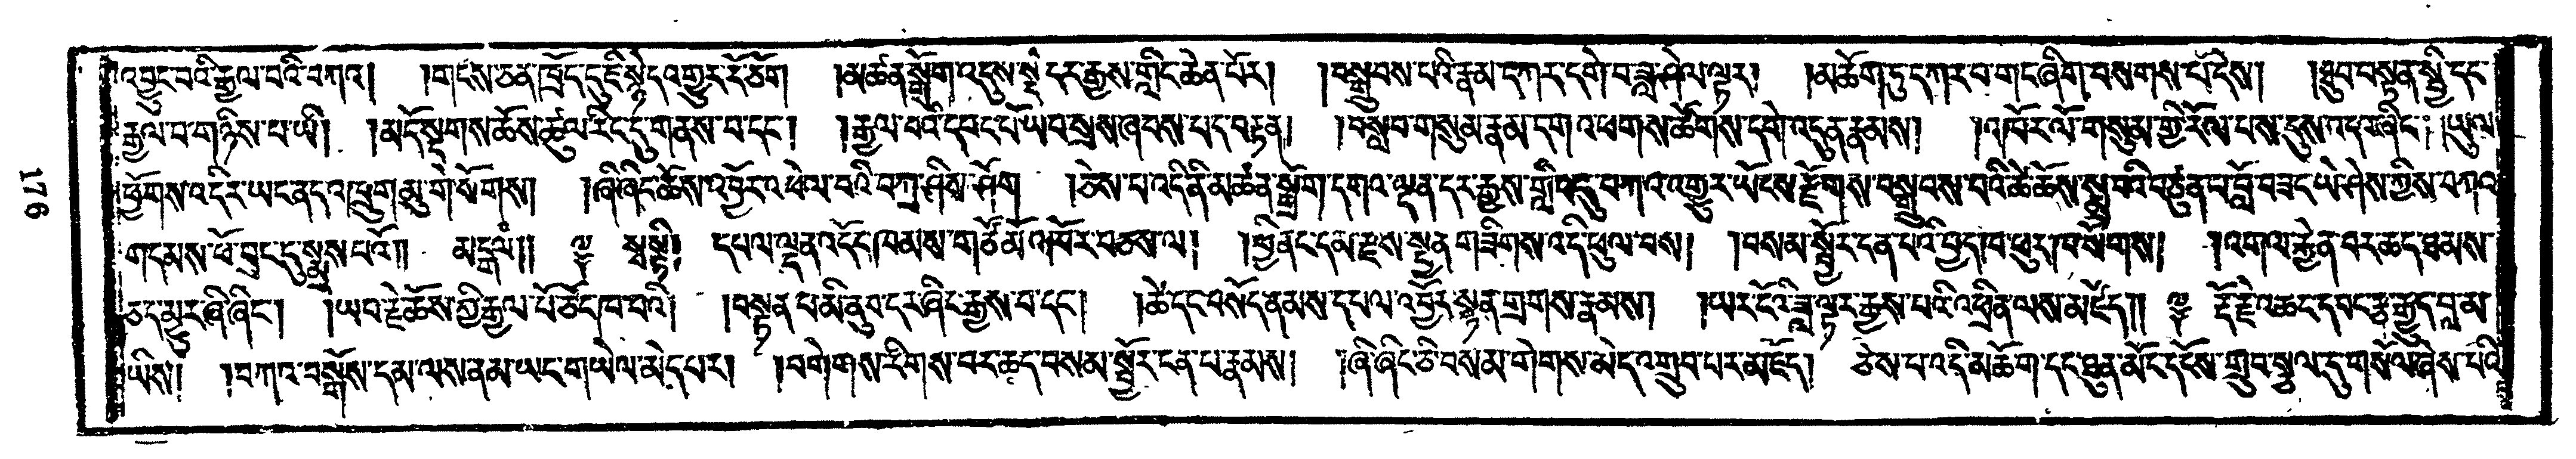འབྱུང་བའི་རྒྱལ་བའི་བཀའ། །གངས་ཅན་ཁྲོད་དུ་ཇི་སྙེད་འགྱུར་རོ་ཅོག །མཚན་སྒྲོག་འདུས་སྡེ་དར་རྒྱས་གླིང་ཆེན་པོར། །བསྒྲུབས་པའི་རྣམ་དཀར་དགེ་བ་ཟླ་ཤེལ་ལྟར། །མཆོག་ཏུ་དཀར་བ་གང་ཞིག་བསགས་པ་དེས། །ཐུབ་བསྟན་སྦྱི་དང་
རྒྱལ་བ་གཉིས་པ་ཡི། །མདོ་སྔགས་ཆོས་ཚུལ་རིང་དུ་གནས་བ་དང་། །རྒྱལ་བའི་དབང་པོ་ཡབ་སྲས་ཞབས་པད་བརྟན། །བསླབ་གསུམ་རྣམ་དག་འཕགས་ཚོགས་དགེ་འདུན་རྣམས། །འཁོར་ལོ་གསུམ་གྱི་རོལ་པས་དུས་འདའ་ཞིང་། །ཡུལ་
ཕྱོགས་འདིར་ཡང་ནད་འཁྲུག་མུ་གེ་སོགས། །ཞི་ཞིང་ཆོས་འབྱོར་འཕེལ་བའི་བཀྲ་ཤིས་ཤོག །ཅེས་པ་འདི་ནི་མཚན་སྒྲོག་དགའ་ལྡན་དར་རྒྱས་གླིང་དུ་བཀའ་འགྱུར་ཡོངས་རྫོགས་བསྒྲུབས་བའི་ཚེ་ཆོས་སྨྲ་བའི་བཙུན་པ་བློ་བཟང་ཡེ་ཤེས་ཀྱིས་བཀའ་
གདམས་ཕོ་བྲང་དུ་སྨྲས་པའོ།། མངྒལཾ།། ༈ སྭསྟི། དཔལ་ལྡན་འདོད་ཁམས་གཙོ་མོ་འཁོར་བཅས་ལ། །ཕྱི་ནང་དམ་རྫས་སྤྱན་གཟིགས་འདི་ཕུལ་བས། །བསམ་སྦྱོར་ངན་པའི་བྱད་ཁ་ཕུར་ཁ་སོགས། །འགལ་རྐྱེན་བར་ཆད་ཐམས་
ཅད་མྱུར་ཞི་ཞིང་། །ཡབ་རྗེ་ཆོས་ཀྱི་རྒྱལ་པོ་ཙོང་ཁ་བའི། །བསྟན་པ་མི་ནུབ་དར་ཞིང་རྒྱས་པ་དང་། །ཚེ་དང་བསོད་ནམས་དཔལ་འབྱོར་སྙན་གྲགས་རྣམས། །ཡར་ངོའི་ཟླ་ལྟར་རྒྱས་པའི་འཕྲིན་ལས་མཛོད།། ༈ རྡོ་རྗེ་འཆང་དབང་རྩ་རྒྱུད་བླ་མ་
ཡིས། །བཀའ་བསྒོས་དམ་ལས་ནམ་ཡང་གཡེལ་མེད་པར། །བགེགས་རིགས་བར་ཆད་བསམ་སྦྱོར་ངན་པ་རྣམས། །ཞི་ཞིང་ཅི་བསམ་གེགས་མེད་འགྲུབ་པར་མཛོད། །ཅེས་པ་འདི་མཆོག་དང་ཐུན་མོང་དངོས་གྲུབ་སྩལ་དུ་གསོལ་ཞེས་པའི་